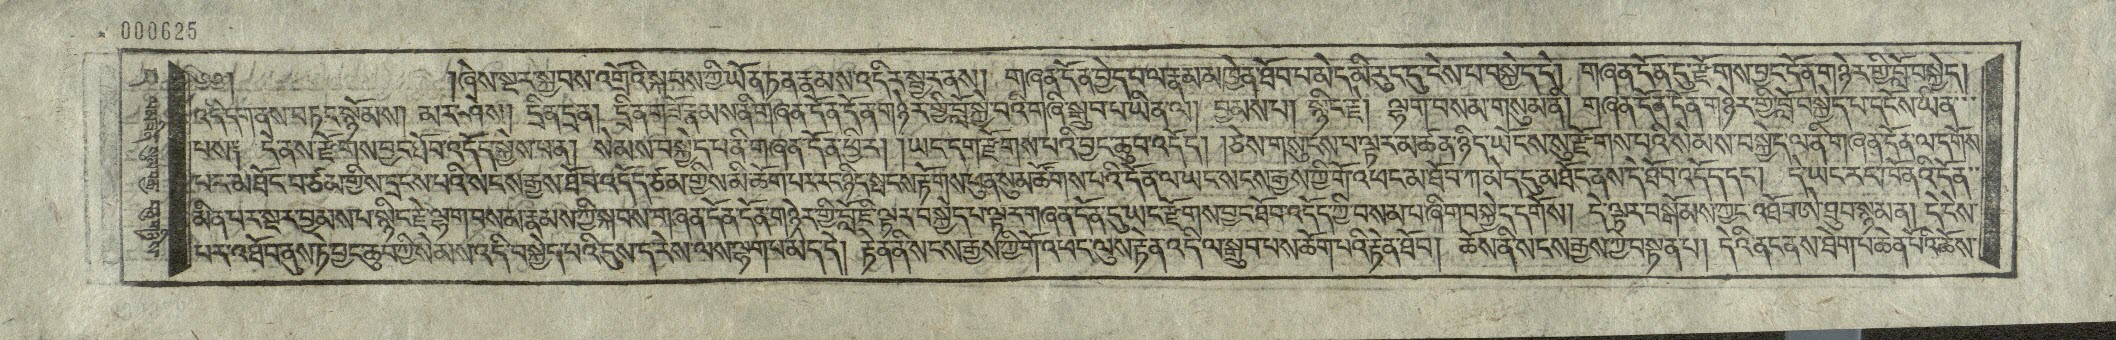༄༅། །ཞེས་སྔར་སྐྱབས་འགྲོའི་སྐབས་ཀྱི་ཡོན་ཏན་རྣམས་འདིར་སྦྱར་ནས། གཞན་དོན་བྱེད་པ་ལ་རྣམ་མཁྱེན་ཐོབ་པ་མེད་མི་རུང་དུ་ངེས་པ་བསྐྱེད་དེ། གཞན་དོན་དུ་རྫོགས་བྱང་དོན་གཉེར་གྱི་བློ་བསྐྱེད།
འདི་དག་ནས་བཏང་སྙོམས། མར་ཤེས། དྲིན་དྲན། དྲིན་གཟོ་རྣམས་ནི་གཞན་དོན་དོན་གཉེར་གྱི་བློ་སྐྱེ་བའི་གཞི་སྒྲུབ་པ་ཡིན་ལ། བྱམས་པ། སྙིང་རྗེ། ལྷག་བསམ་གསུམ་ནི། གཞན་དོན་དོན་གཉེར་གྱི་བློ་བསྐྱེད་པ་དངོས་ཡིན་
པས༑ དེ་ནས་རྫོགས་བྱང་ཐོབ་འདོད་སྐྱེས་པ་ན། སེམས་བསྐྱེད་པ་ནི་གཞན་དོན་ཕྱིར། །ཡང་དག་རྫོགས་པའི་བྱང་ཆུབ་འདོད། །ཅེས་གསུངས་པ་ལྟར་མཚན་ཉིད་ཡོངས་སུ་རྫོགས་པའི་སེམས་བསྐྱེད་ལ་ནི་གཞན་དོན་ལ་དགོས་
པར་མཐོང་བ་ཙམ་གྱིས་དྲངས་པའི་སངས་རྒྱས་ཐོབ་འདོད་ཙམ་གྱིས་མི་ཆོག་པར་རང་ཉིད་སྤངས་རྟོགས་ཕུན་སུམ་ཚོགས་པའི་དོན་ལ་ཡང་སངས་རྒྱས་ཀྱི་གོ་འཕང་མ་ཐོབ་ཀ་མེད་དུ་མཐོང་ནས་དེ་ཐོབ་འདོད་དང་། དེ་ཡང་རང་ཁོ་ནའི་དོན་
མིན་པར་སྔར་བྱམས་པ་སྙིང་རྗེ་ལྷག་བསམ་རྣམས་ཀྱི་སྐབས་གཞན་དོན་དོན་གཉེར་གྱི་བློ་ཇི་ལྟར་བསྐྱེད་པ་ལྟར་གཞན་དོན་དུ་ཡང་རྫོགས་བྱང་ཐོབ་འདོད་ཀྱི་བསམ་པ་ཞིག་བསྐྱེད་དགོས། དེ་ལྟར་བསྒོམས་ཀྱང་འཐོབ་ཨེ་ཐུབ་སྙམ་ན། དེ་ངེས་
པར་འཐོབ་ནུས་ཏེ་བྱང་ཆུབ་ཀྱི་སེམས་འདི་བསྐྱེད་པའི་དུས་ད་རེས་ལས་ལྷག་པ་མེད་དེ། རྟེན་ནི་སངས་རྒྱས་ཀྱི་གོ་འཕང་ལུས་རྟེན་འདི་ལ་སྒྲུབ་པས་ཆོག་པའི་རྟེན་ཐོབ། ཆོས་ནི་སངས་རྒྱས་ཀྱི་བསྟན་པ། དེའི་ནང་ནས་ཐེག་པ་ཆེན་པོའི་ཆོས་